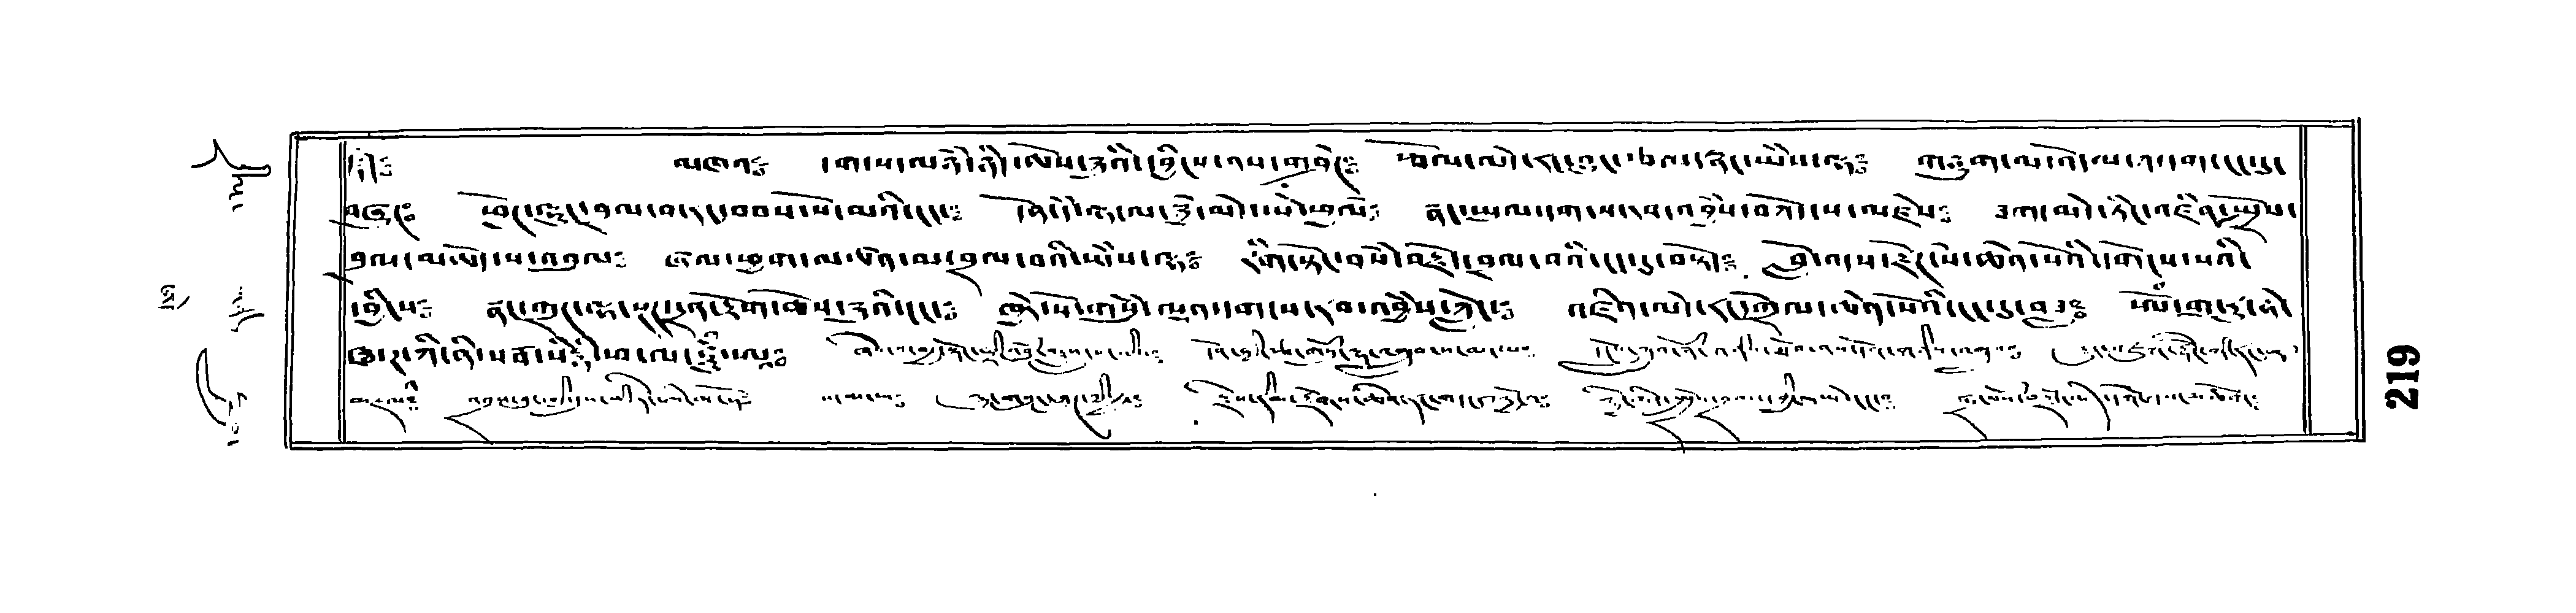མཁའ༔ དག་པ་མཉམ་ཉིད་ཆོས་སྐུའི་དབྱིངས་ནས་གཤེགས༔ རྩོལ་མེད་རང་བྱུང་རྩལ་སྣང་ཡེ་ཤེས་ལྷ༔ གཉུག་མ་འོད་གསལ་ཀ་དག་ངང་དུ་
བཞུགས༔ ཕྱོགས་ལྷུང་བྲལ་བ་རང་བབས་སོ་མའི་ངང༔ དོན་དམ་ལྷ་ལ་སྐྱེ་མེད་ཡེ་ཕྱག་འཚལ༔ སྣང་ཡུལ་དག་པ་རབ་འབྱམས་བཀོད་པ་མཛེས༔ ཟག་མེད་ཏིང་འཛིན་སྤྲོས་
བྲལ་མཆོད་པ་འབུལ༔ ཞལ་ཕྱག་མཚན་མ་བྲལ་བའི་ཡེ་ཤེས་ལྷ༔ རིག་སྟོང་བརྗོད་བལ་བའི་ངང་དུ་བསྡོད་ བློ་འདས་རྫོགས་ཆེའོ་པོའི་དགོངས་པའི་
དབྱིངས་ སྣང་གྲགས་ལྟར་དྲན་རྟོག་ཆོས་དང་ ཁྱེར་སོ་གསུམ་ལྡན་དག་པ་རབ་འབྱམས་ཀློང༔ འཛིན་མེད་རང་གྲོལ་ཆེན་པོའི་ངང་དུ་བཟླ༔ ཨོཾ་གུ་རུ་དྷེ་
ཝ་ཌཱ་ཀི་ནི་སརྦ་སིདྡྷི་ཕ་ལ་ཧཱུྃ་ཨཱཿཞེས་པ་བརྒྱ་སྟོང་ཁྲི་འབུམ་བཟླས་པ་ཡིས༔ དོན་གྱི་རྩ་གསུམ་ལྷ་འགྲུབ་ས་མ་ཡ༔ དངོས་གྲུབ་རྣམ་གཉིས་ཐོབ་ནས་དོན་གཉིས་འགྲུབ༔ ཟུང་འཇུག་རྡོ་རྗེ་འཆང་གི་རང་ཞལ་
མཇལ༔ འབྲས་བུ་ཕྱི་དུས་མི་རེ་ཨེ་མ་ཧོ༔ ས་མ་ཡ༔ སྐུ་གསུང་ཐུགས་ཀྱི་རྒྱ༔ རྗེས་རིམ་རྫོགས་ཆེན་རང་གདངས་སྐྱོངས༔ སྐྱེ་མེད་སྤྲོད་བྲལ་དབྱིངས་ཡེ་ངང༔ སྨྲ་བསམ་བརྗོད་མེད་དགོངས་པ་མཆོག༔